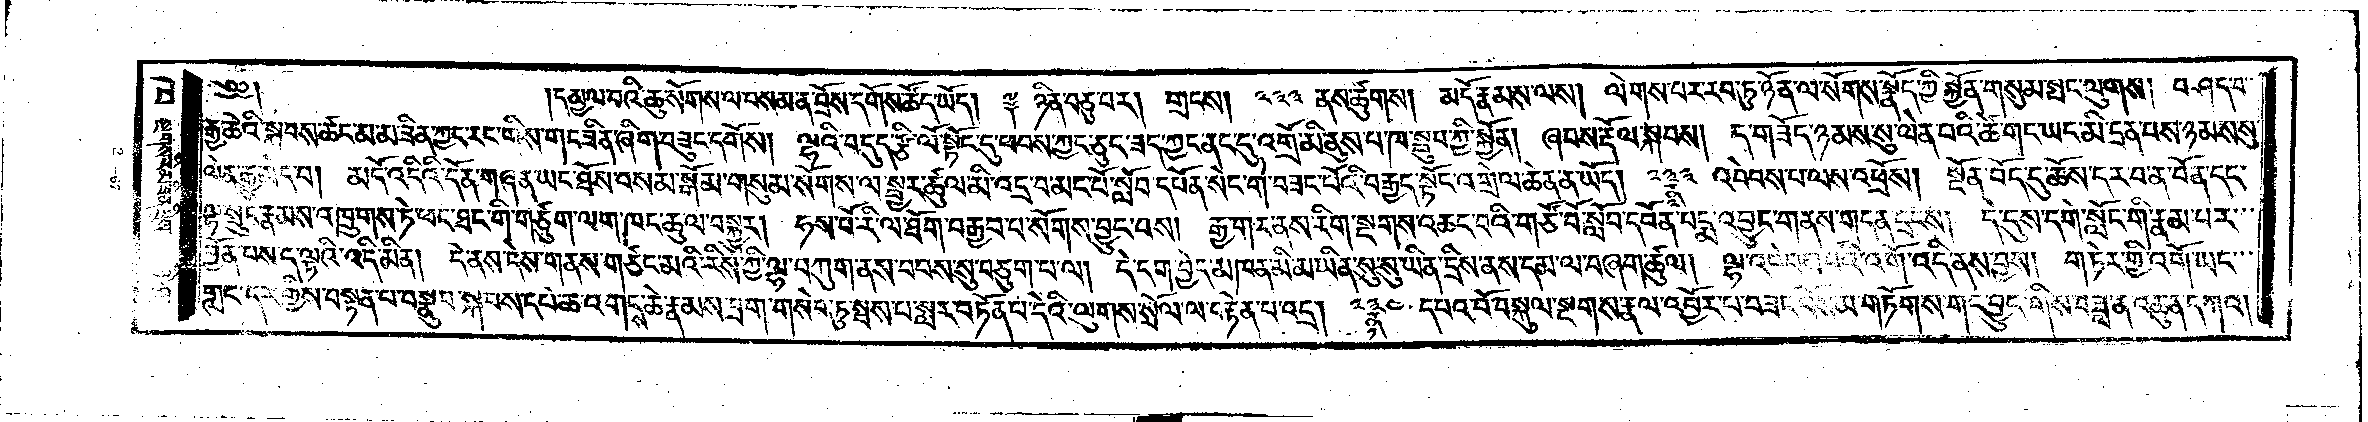༄༅། །དམྱལ་བའི་ཆུ་སོགས་ལ་བསམ་ན་བྲོས་དགོས་ཚོད་ཡོད། ༈ ཉིན་བཅུ་པར། གྲངས། ༢༣༣་ནས་ཚུགས། མདོ་རྣམས་ལས། ལེགས་པར་རབ་ཏུ་ཉོན་ལ་སོགས་སྣོད་ཀྱི་སྐྱོན་གསུམ་སྤང་ལུགས། བཤད་པ་
རྒྱ་ཆེའི་སྐབས་ཚང་མ་མ་ཟིན་ཀྱང་རང་གིས་གང་ཟིན་ཞིག་བཟུང་དགོས། ལྷའི་བདུད་རྩི་ལོ་སྟོང་དུ་ཕབས་ཀྱང་ཅུང་ཟད་ཀྱང་ནང་དུ་འགྲོ་མི་ནུས་པ་ཁ་སྤུབ་ཀྱི་སྐྱོན། ཞབས་རྡོལ་སྐབས། ད་གཟོད་ཉམས་སུ་ལེན་བའི་ཆོ་གང་ཡང་མི་དྲན་པས་ཉམས་སུ་
ལེན་རྒྱུ་མེད་པ། མདོ་འདིའི་དོན་གཞན་ཡང་ཐོས་བསམ་སྒོམ་གསུམ་སོགས་ལ་སྦྱར་ཚུལ་མི་འདྲ་བ་མང་པོ་སློབ་དཔོན་སེང་གེ་བཟང་པོའི་བརྒྱད་སྟོང་འགྲེལ་ཆེན་ན་ཡོད། ༢༣༣ན༢་འབེབས་པ་ལས་འཕྲོས། སྔོན་བོད་དུ་ཆོས་དར་བ་ན་བོན་དང་
ལྷ་སྲུང་རྣམས་འཁྲུགས་ཏེ་ཕང་ཐང་གི་གཙུག་ལག་ཁང་ཆུ་ལ་བསྐྱར། ཁས་པོ་རི་ལ་ཐོག་བརྒྱབ་པ་སོགས་བྱུང་བས། རྒྱ་གར་ནས་རིག་སྣགས་འཆང་བའི་གཙོ་བོ་སློབ་དཔོན་པདམ་འབྱུང་གནས་གདན་དྲངས། དེ་དུས་དགེ་སློང་གི་རྣམ་པར་
བྱོན་པས་ད་ལྟའི་འདི་མིན། དེ་ནས་དེས་གནས་གཙང་མའི་རིསྐྱི་ལྷ་བཀུག་ནས་བབས་སུ་བཅུག་པ་ལ། དེ་དག་བྱེད་མཁན་མི་མ་ཡིན་སུ་སུ་ཡིན་དྲིས་ནས་དམ་ལ་བཞག་ཚུལ། ལྷ་འབེབས་པའི་འགོ་འདི་ནས་བྱས། གཏེར་གྱི་འགོ་ཡང་
གླང་དར་གྱིས་བསྟན་པ་བསྣུབ་སྐབས་དཔེ་ཆ་འགངས་ཆེ་རྣམས་བྲག་གསེབ་ཏུ་སྦས་པ་སླར་བཏོན་པ་དེའི་ལུགས་སྲོལ་ལ་བརྟེན་པ་འདྲ། ༢༣༤ན༡་དཔའ་བོ་བསྐུལ་སྔགས་རྣལ་འབྱོར་པ་བཟང་པོས་མ་གཏོགས་གང་བྱུང་གིས་བཟླ་ན་འཆུན་དཀའ།